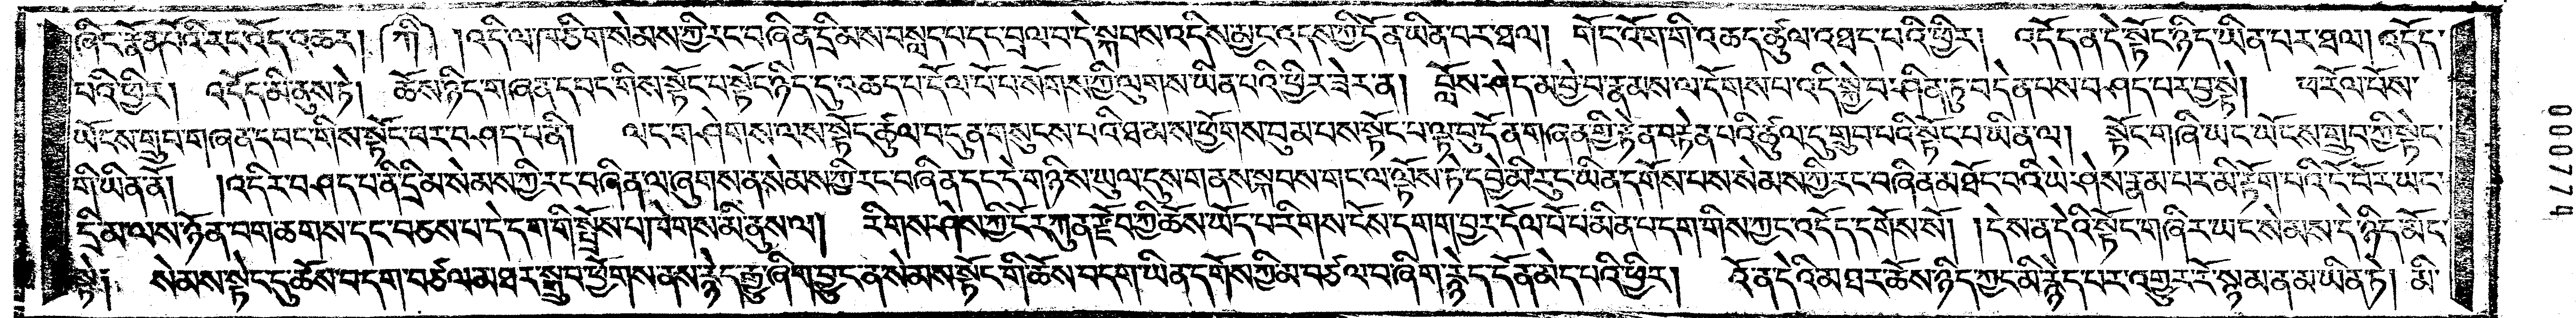ཞིང་རྣོན་པོའི་རང་འོད་འཆར། ༼ཀི༽ །འདི་ལ་ཁ་ཅིག་སེམས་ཀྱི་རང་བཞིན་དྲི་མས་བསླད་པ་དང་བྲལ་བ་དེ་སྐབས་འདིས་མྱང་འདས་ཀྱི་དོན་ཡིན་པར་ཐལ། གོང་འོག་གི་འཆད་ཚུལ་འཐད་པའི་ཕྱིར། འདོད་ན་དེ་སྟོང་ཉིད་ཡིན་པར་ཐལ། འདོད་
པའི་ཕྱིར། འདོད་མི་ནུས་ཏེ། ཆོས་ཉིད་གཞན་དབང་གིས་སྟོང་པ་སྟོང་ཉིད་དུ་འཆད་པ་དོལ་པོ་པ་སོགས་ཀྱི་ལུགས་ཡིན་པའི་ཕྱིར་ཟེར་ན། བློས་ཤེད་མ་བྱེ་བ་རྣམས་ལ་དོགས་པ་འདི་སྐྱེ་བ་ཤིན་ཏུ་བདེན་པས་བཤད་པར་བྱ་སྟེ། ཕ་རོལ་པོས་
ཡོངས་གྲུབ་གཞན་དབང་གིས་སྟོང་པར་བཤད་པ་ནི། ལང་གཤེགས་ལས་སྟོང་ཚུལ་བདུན་གསུངས་པའི་ཐ་མ་ས་ཕྱོགས་བུམ་པས་སྟོང་པ་ལྟ་བུ་དོན་གཞན་གྱི་རྟེན་བརྟེན་པའི་ཚུལ་དུ་གྲུབ་པའི་སྟོང་པ་ཡིན་ལ། སྟོང་གཞི་ཡང་ཡོངས་གྲུབ་ཀྱི་སྟེང་
གི་ཡིན་ནོ། །འདིར་བཤད་པ་ནི་དྲི་མ་སེམས་ཀྱི་རང་བཞིན་ལ་ཞུགས་ན་སེམས་ཀྱི་རང་བཞིན་དང་དེ་གཉིས་ཡུལ་དུས་གནས་སྐབས་གང་ལ་ལྟོས་ཏེ་དབྱེ་མི་རུང་ཡིན་དགོས་པས་སེམས་ཀྱི་རང་བཞིན་མཐོང་བའི་ཡེ་ཤེས་རྣམ་པར་མི་རྟོག་པའི་ངོ་བོར་ཡང་
དྲི་མ་ལས་ཉོན་བག་ཆགས་དང་བཅས་པ་དེ་དག་གི་སྤྲོས་པ་ཁེགས་མི་ནུས་ལ། རིགས་ཤེས་ཀྱི་ངོར་ཀུན་རྫོབ་ཀྱི་ཆོས་ཡོད་པ་རིགས་ངོའི་དགག་བྱར་དོལ་པོ་པ་མིན་པ་དག་གིས་ཀྱང་འདོད་དགོས་སོ། །དེས་ན་དེའི་སྟོང་གཞིར་ཡང་སེམས་དེ་ཉིད་མི་འོང་
སྟེ། སེམས་སྟེང་དུ་ཆོས་བདག་བཙལ་མཐར་སྒྲུབ་ཕྱོགས་ནས་རྙེད་རྒྱུ་ཞིག་བྱུང་ན་སེམས་སྟོང་གི་ཆོས་བདག་ཡིན་དགོས་ཀྱི་མ་བཙལ་བ་ཞིག་རྙེད་དོན་མེད་པའི་ཕྱིར། འོ་ན་དེའི་མཐར་ཆོས་ཉིད་ཀྱང་མི་རྙེད་པར་འགྱུར་རོ་སྙམ་ན་མ་ཡིན་ཏེ། མི་